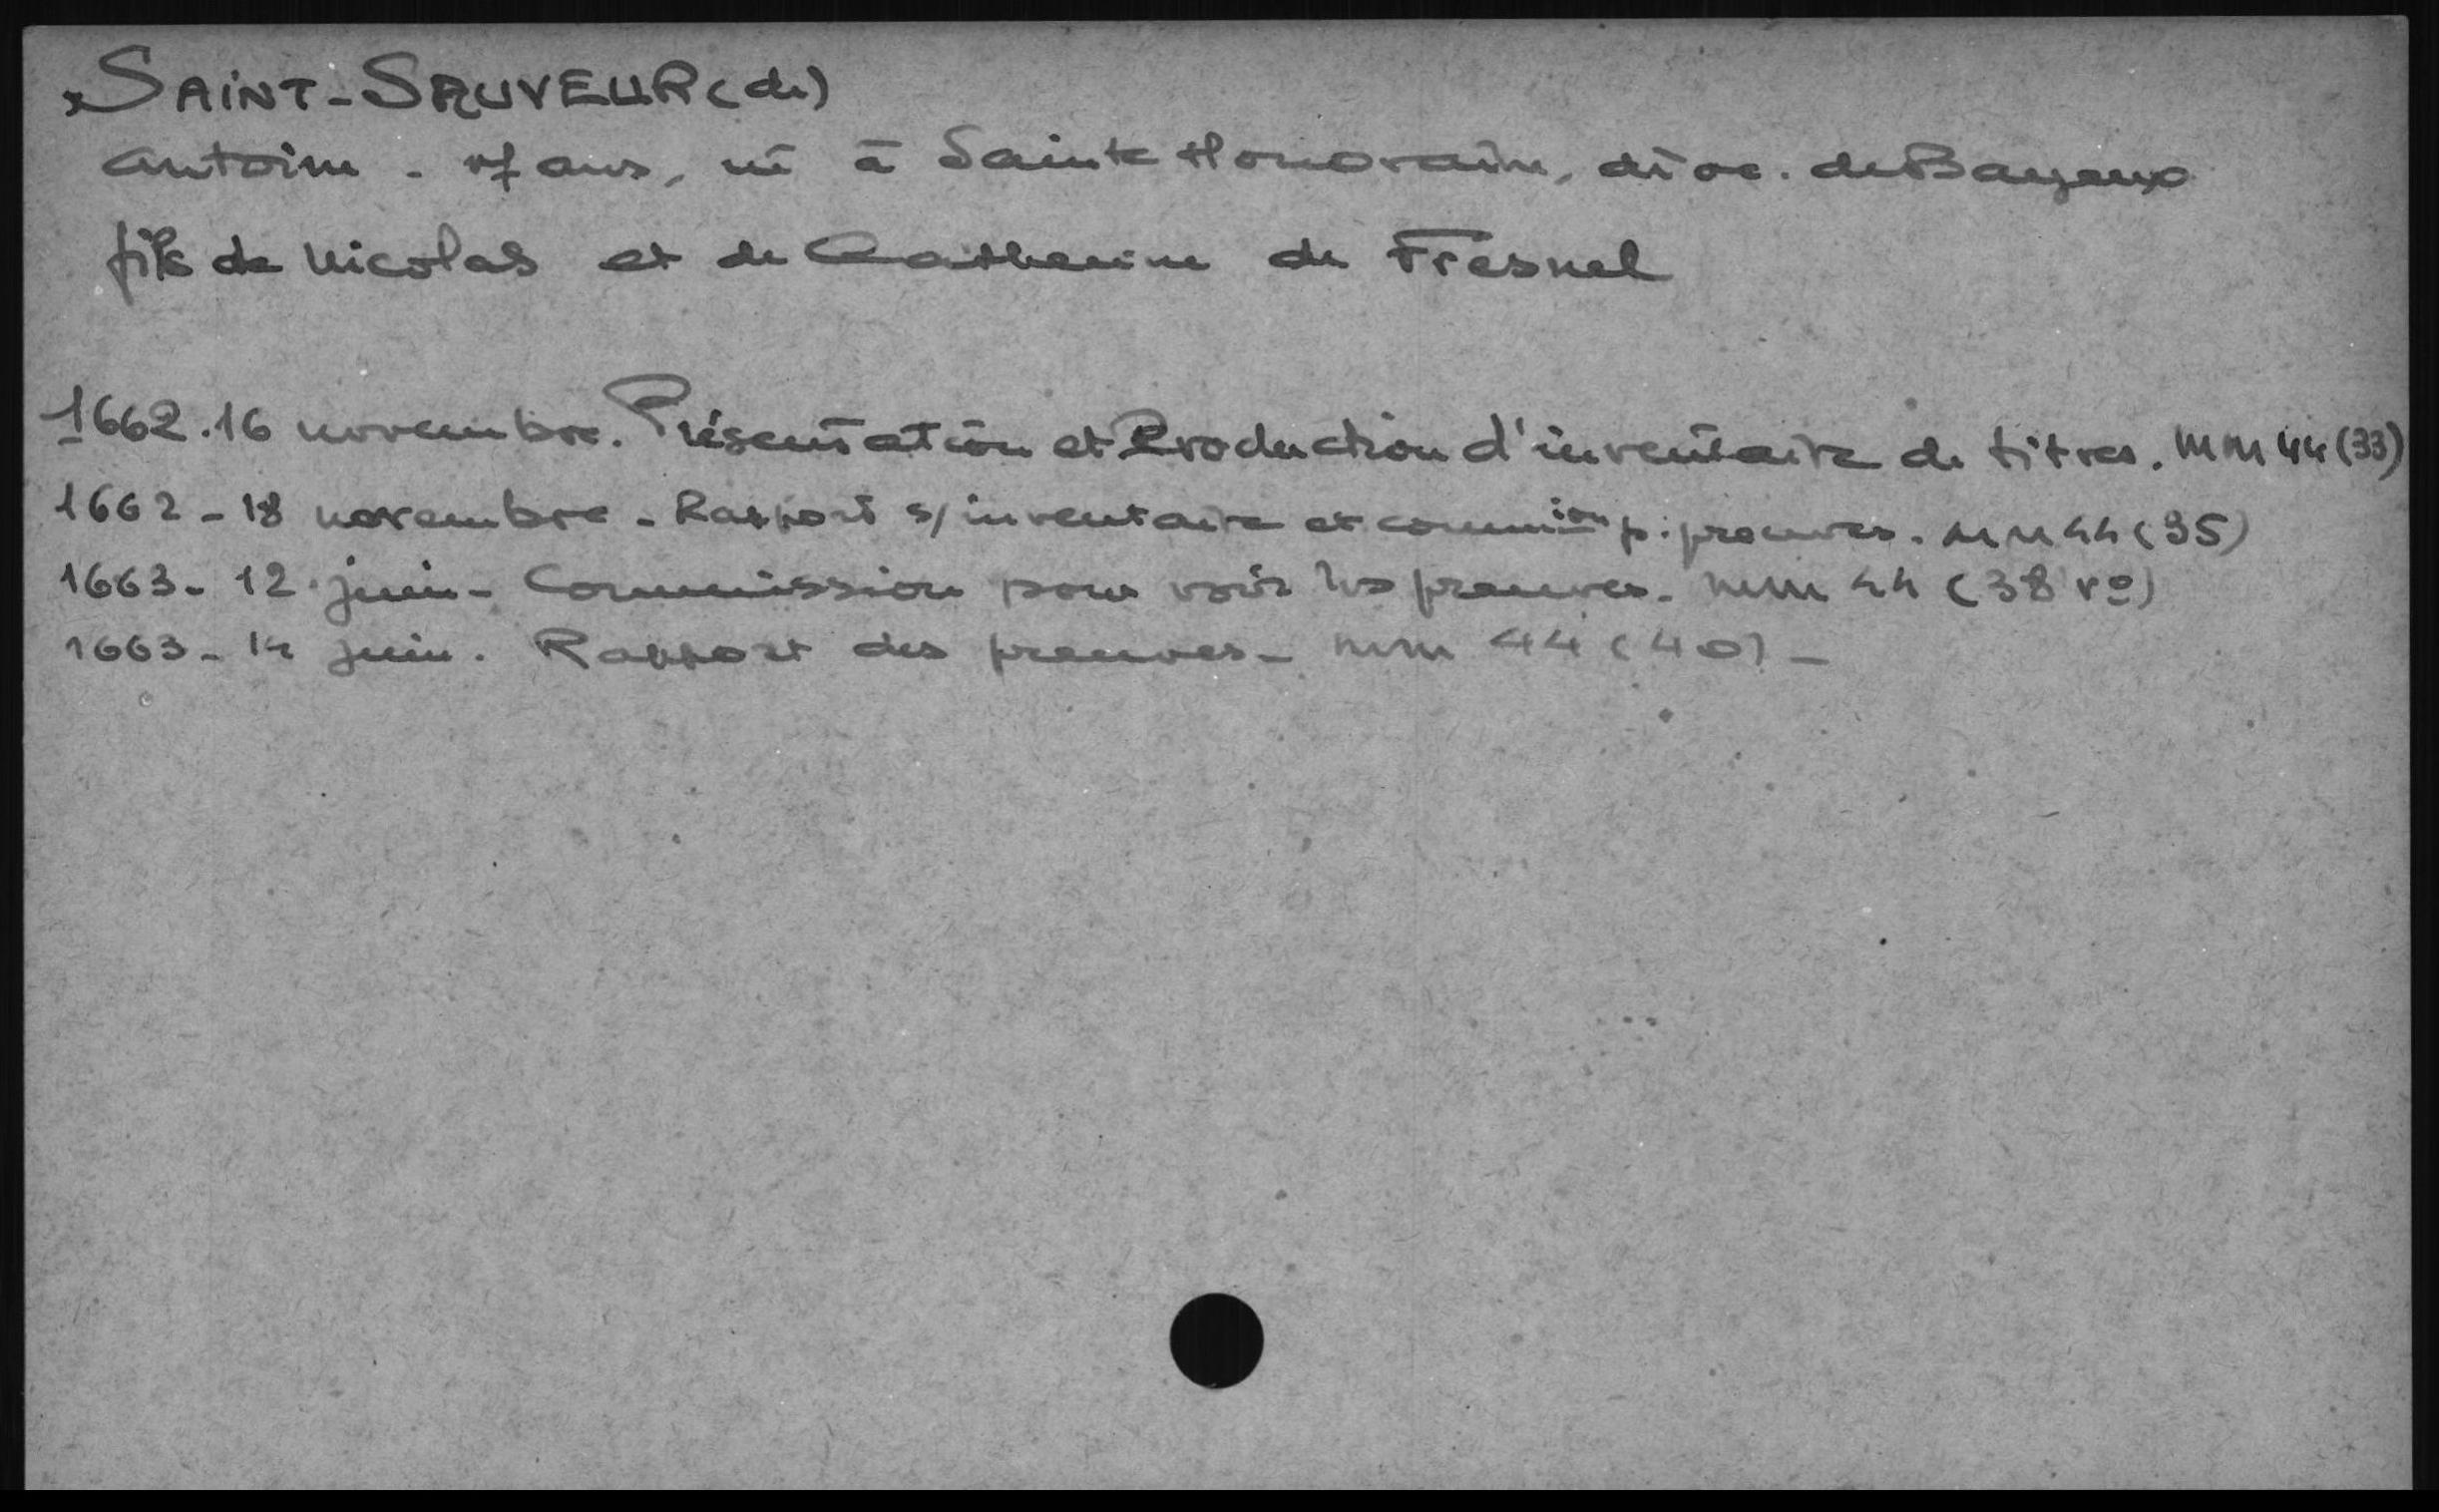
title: SAINT-SAUVEUR (de) Antoine, 7 ans, né ) Sainte Honoraine, diocèse de Bayeux fils de Nicolas et de Catherine de Fresnel
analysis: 1662, 16 novembre. Présentation et Production d'inventaire de titres. MM 44 (33) 1662, 18 novembre. Rapport sur inventaire et commission pour preuves. MM 44 (35) 1663, 12 juin. Commission pour voir les preuves. MM 44 (38v) 1663, 14 juin. Rapports des preuves. MM 44 (40)
